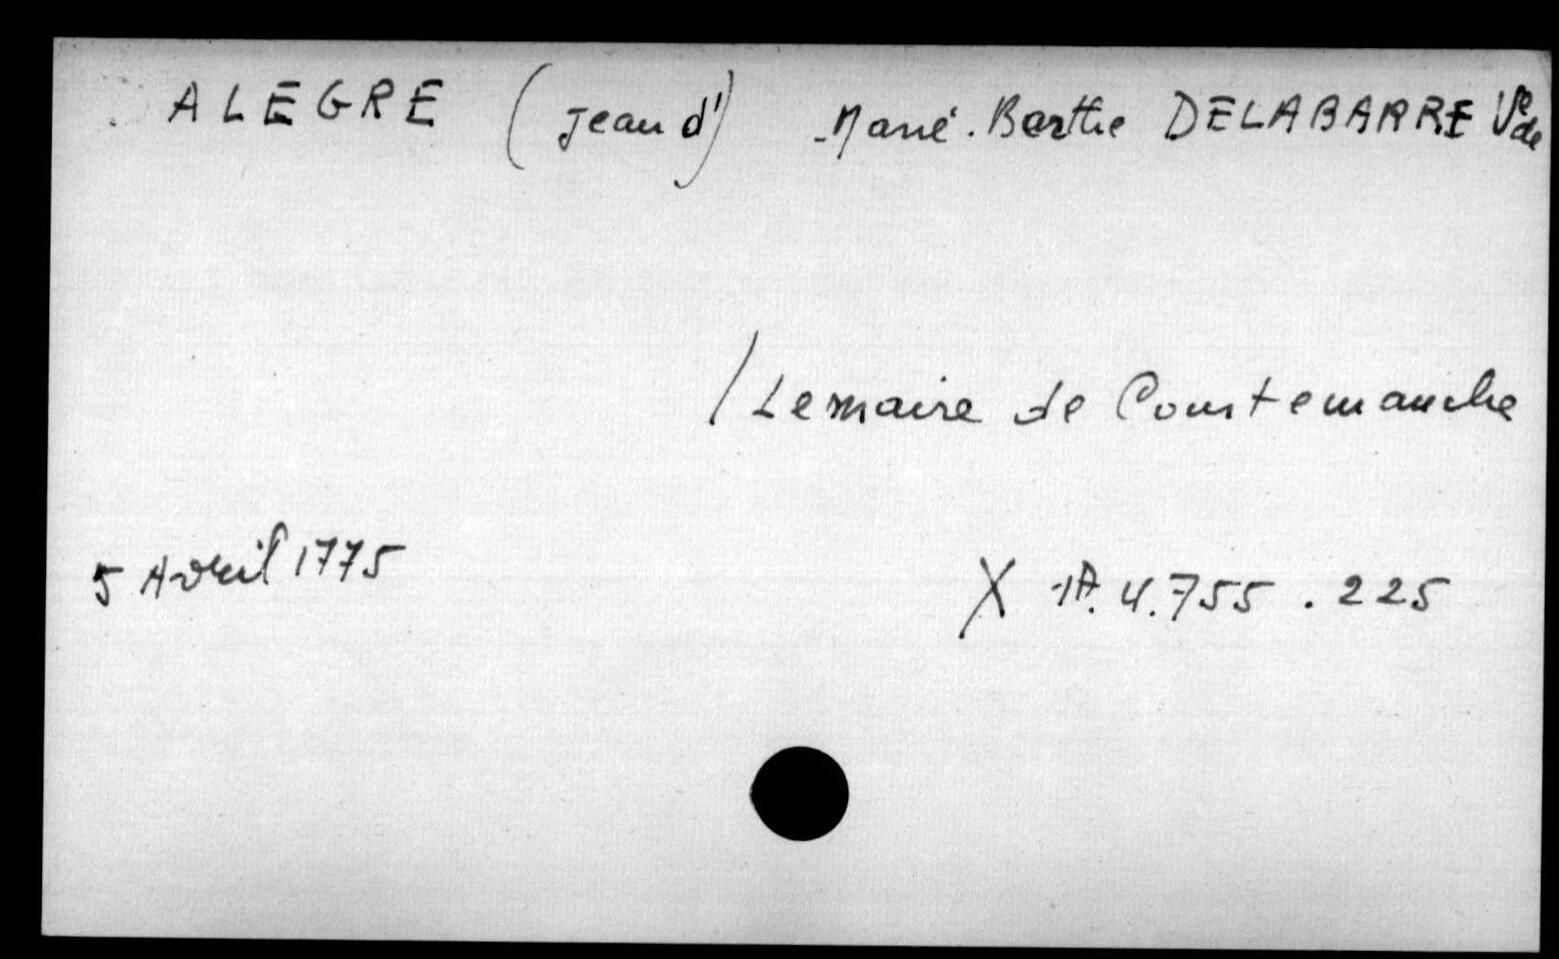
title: ALEGRE (Jean d') - Marie-Berthe DELABARRE veuve de
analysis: Contre Le maire de Courtemanche
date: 5 avril 1775
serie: X1A
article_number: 4755
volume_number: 225
